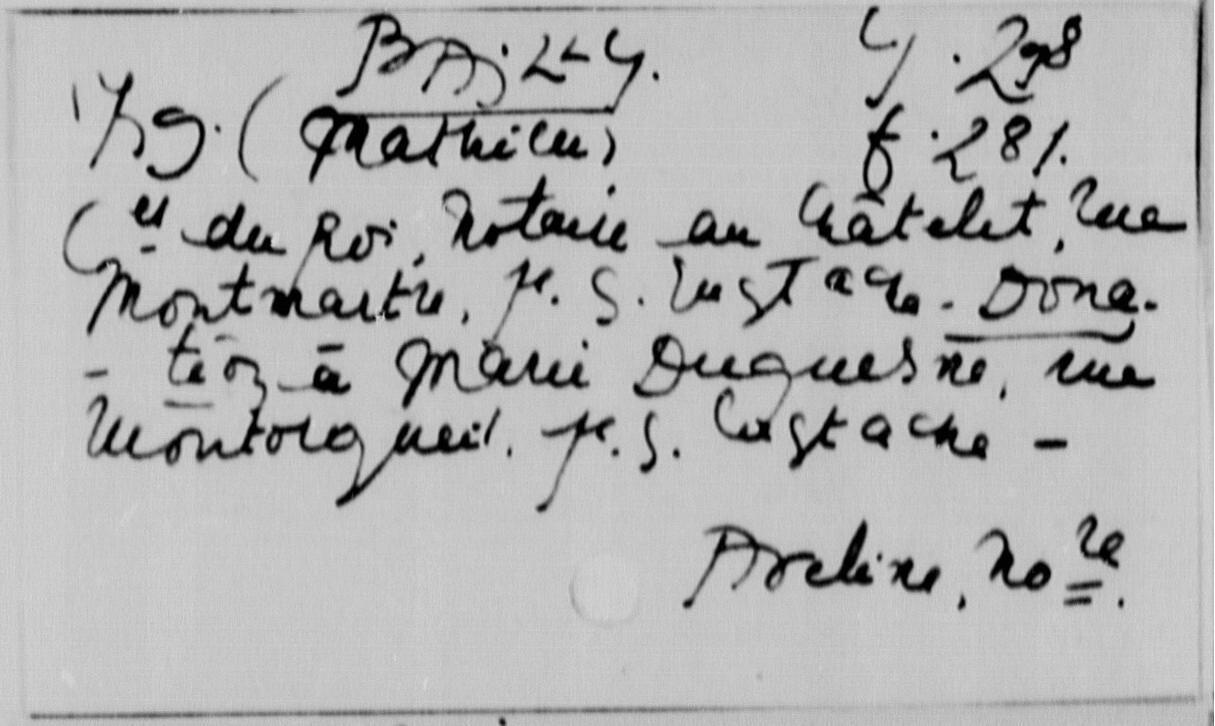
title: BAILLY (Mathieu)
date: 1709
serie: Y
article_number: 291
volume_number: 281
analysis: Conseiller du roi, notaire au Châtelet, rue Montmartre, paroisse Saint-Eustache. Donation à Marie Duquesne, rue Montorgueil, paroisse Saint-Eustache. Aveline, notaire.
